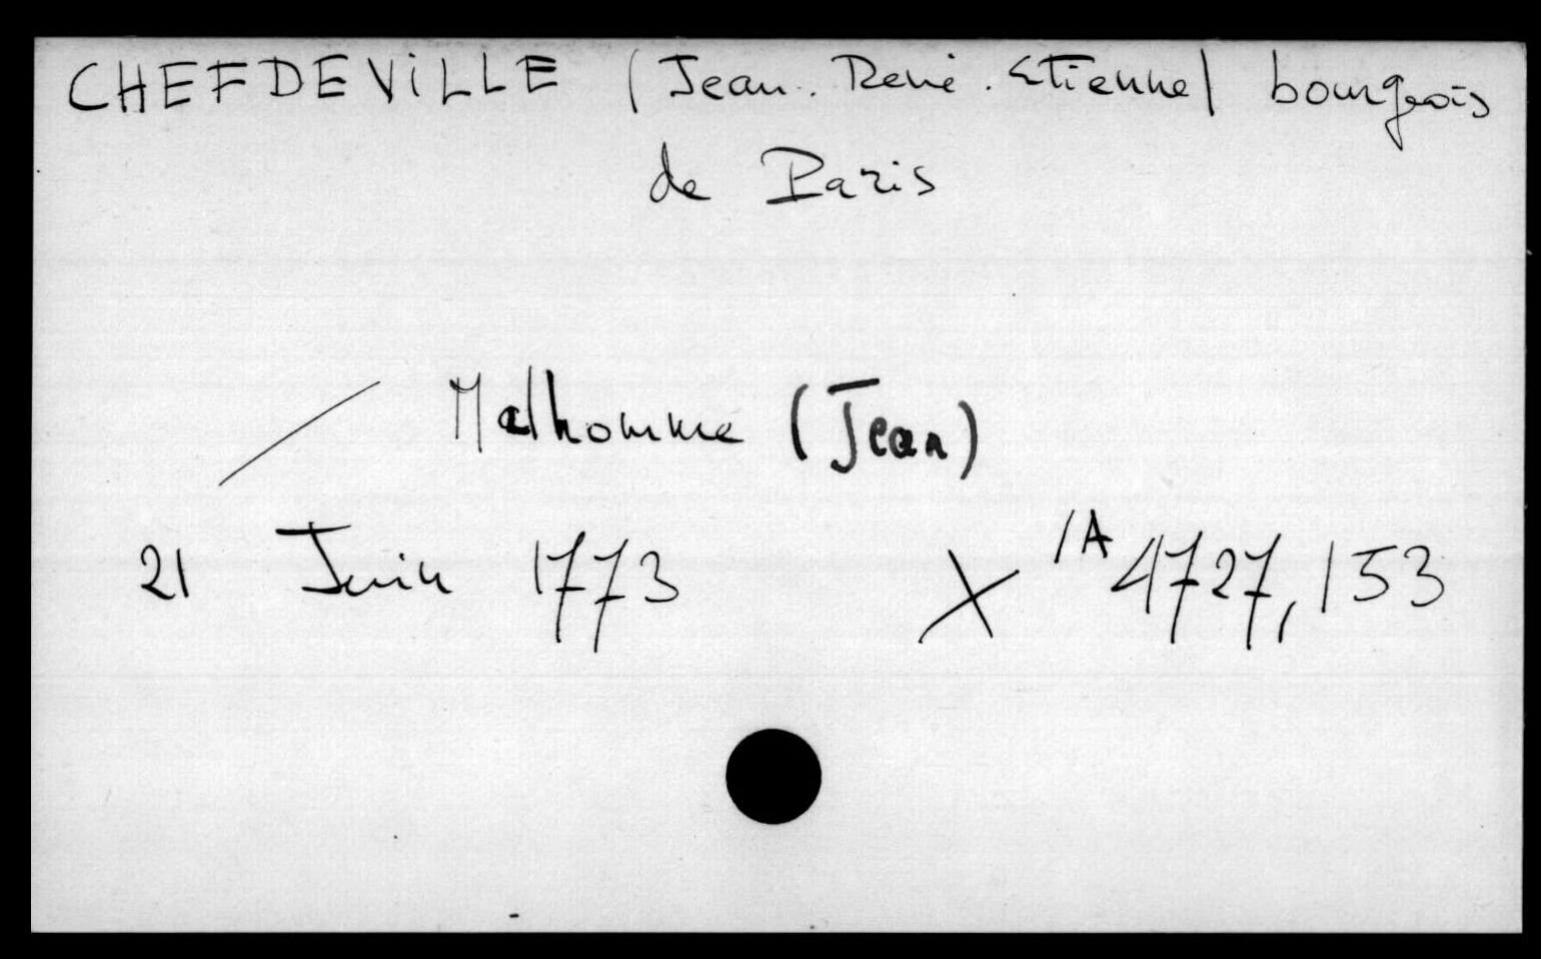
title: CHEFDEVILLE (Jean-René-Etienne) bourgeois de Paris
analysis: Contre Malhomme (Jean)
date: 21 juin 1773
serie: X1A
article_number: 4727
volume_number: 153
